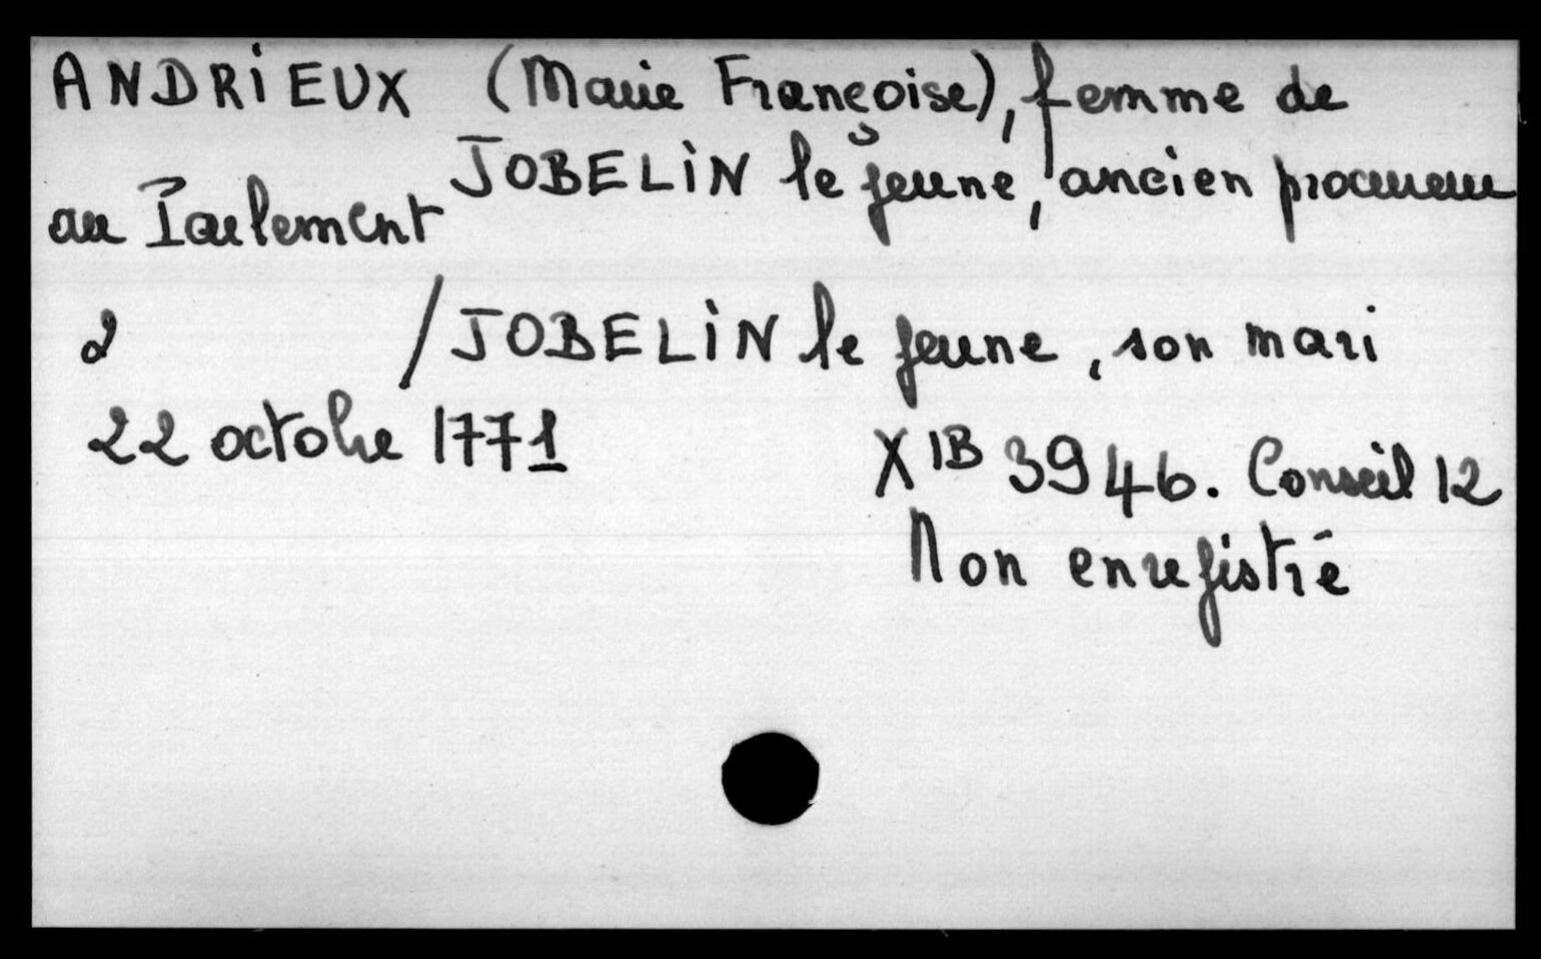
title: ANDRIEUX (Marie Françoise), femme de JOBELIN le jeune, ancien procureur au Parlement
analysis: Contre JOBELIN le Jeune, son mari
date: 22 octobre 1771
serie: X1B
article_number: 3946
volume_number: Conseil 12 non enregistré
